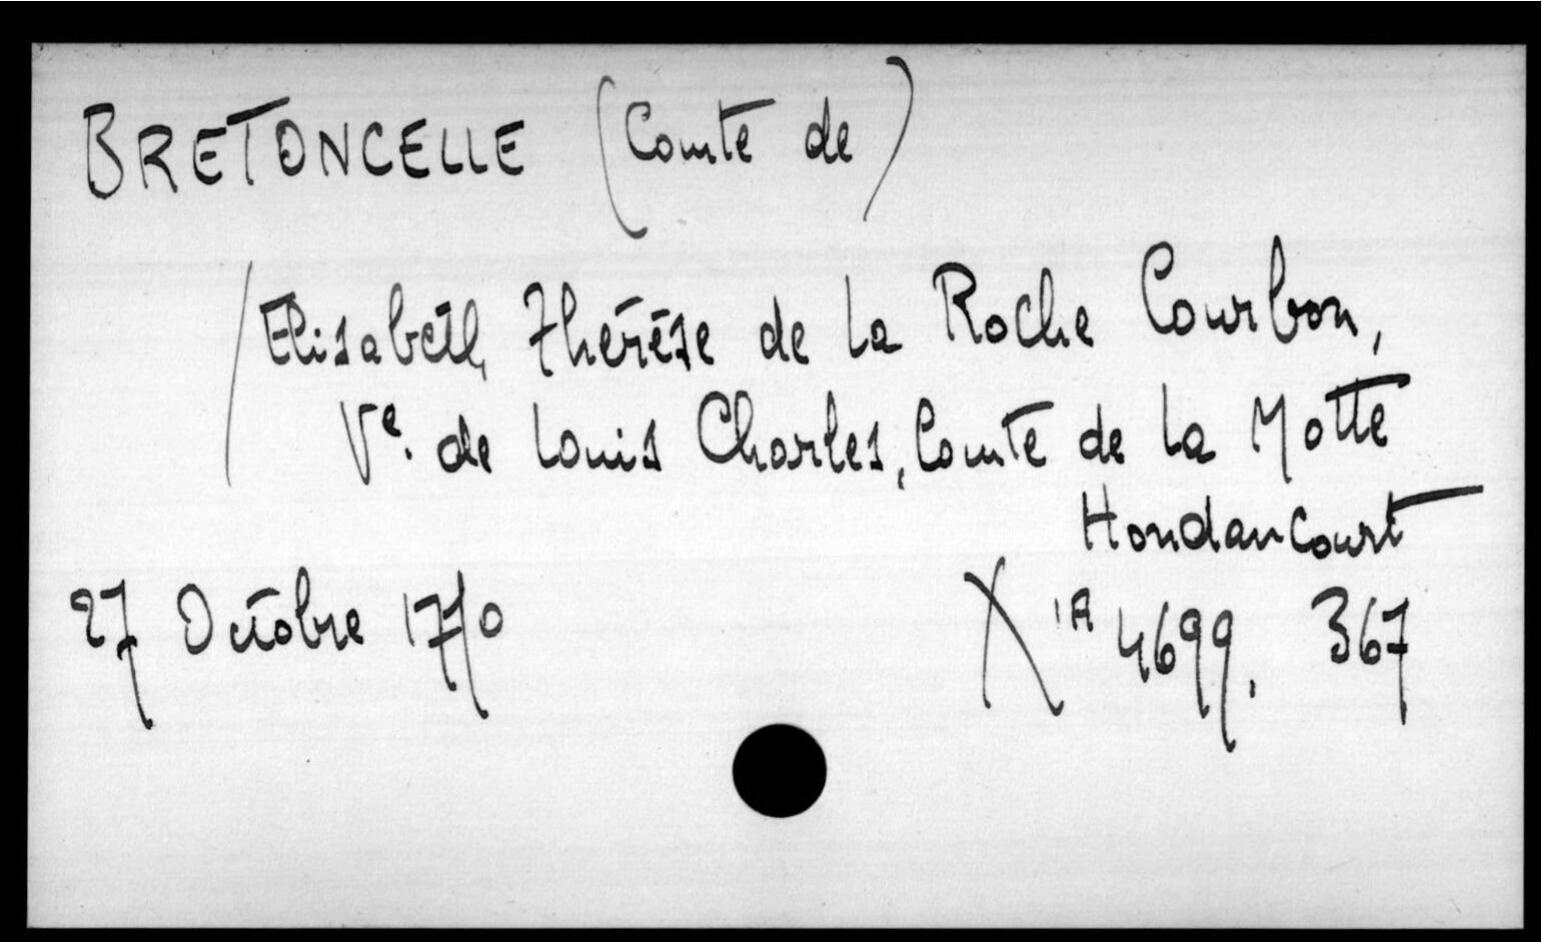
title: BRETONCELLE (Comte de)
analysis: Contre Élisabeth Thérèse de la Roche Courbon, veuve de Louis Charles, comte de la Motte Hondancourt
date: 27 octobre 1770
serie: X1A
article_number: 4699
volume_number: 367
